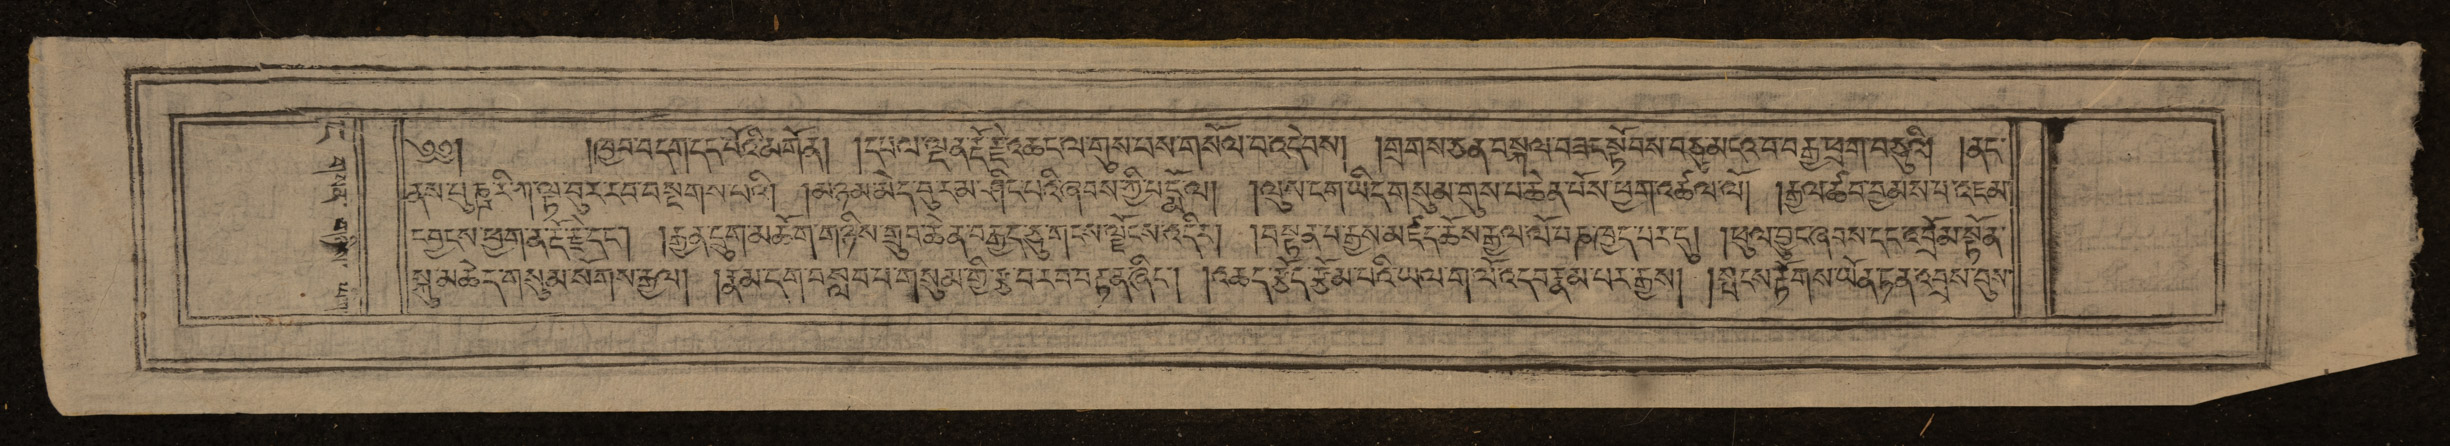༄༅། །ཁྱབ་བདག་དང་པོའི་མགོན། །དཔལ་ལྡན་རྡོ་རྗེ་འཆང་ལ་གུས་པས་གསོལ་བ་འདེབས། །གྲགས་ཅན་བསྐལ་བཟང་སྟོབས་བཅུ་མདའ་བ་བརྒྱ་ཕྲག་བཅུའི། །ནང་
ནས་པུཎྜ་རི་ཀ་ལྟ་བུར་རབ་བསྔགས་པའི། །མཉམ་མེད་བུར་མ་ཤིང་བའི་ཞབས་ཀྱི་པདམོ་ལ། །ལུས་དག་ཡིད་གསུམ་གུས་པ་ཆེན་པོས་ཕྱག་འཚལ་ལོ། །རྒྱལ་ཚབ་བྱམས་པ་འཇམ་
དབྱངས་ཕྱག་ན་རྡོ་རྗེ་དང་། །རྒྱན་དྲུག་མཆོག་གཉིས་གྲུབ་ཆེན་བརྒྱད་ཅུ་གངས་ལྗོངས་འདིར། །བསྟན་བརྒྱས་མཛད་ཆོས་རྒྱལ་ལོ་པཎ་ཁྱད་པར་དུ། །ཕུལ་བྱུང་ཞབས་དང་འབྲོམ་སྟོན་
སྐུ་མཆེད་གསུམ་སོགས་རྒྱལ། །རྣམ་དག་བསླབ་པ་གསུམ་གྱི་རྩ་བ་རབ་བརྟན་ཞིང་། །འཆད་རྩོད་རྩོམ་པའི་ཡལ་ག་ལོ་འདབ་རྣམ་པར་རྒྱས། །སྤངས་རྟོགས་ཡོན་ཏན་འབྲས་བུས་